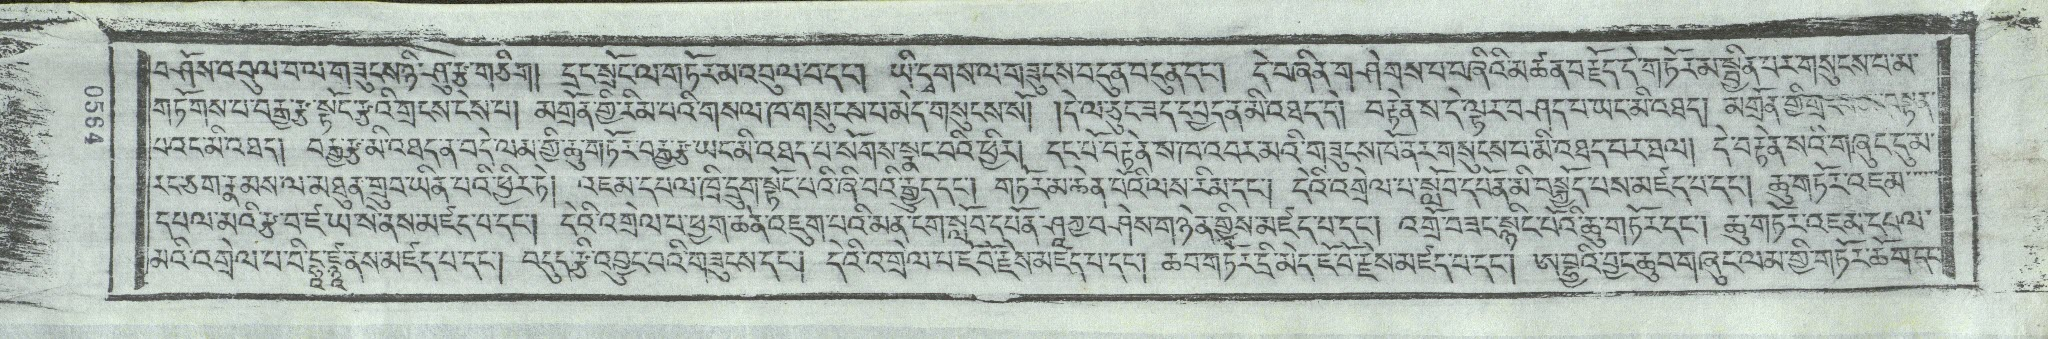བཤོས་འབུལ་བ་ལ་གཟུངས་ཉི་ཤུ་རྩ་གཅིག། དྲང་སྲོང་ལ་གཏོར་མ་འབུལ་བ་དང་། ཡི་དྭགས་ལ་གཟུངས་བདུན་བདུན་དང་། དེ་བཞིན་གཤེགས་པ་བཞིའི་མཚན་བརྗོད་དེ་གཏོར་མ་སྦྱིན་པར་གསུངས་པ་མ་
གཏོགས་པ་བརྒྱ་རྩ་སྟོང་རྩའི་གྲངས་ངེས་པ། མགྲོན་གྱི་རིམ་པའི་གསལ་ཁ་གསུངས་པ་མེད་གསུངས་སོ། །དེ་ལ་ཅུང་ཟད་དབྱད་ན་མི་འཐད་དེ། བརྟེན་ས་དེ་ལྟར་བཤད་པ་ཡང་མི་འཐད། མགྲོན་གྱི་གྲངས་མ་བསྟན་
པའང་མི་འཐད། བརྒྱ་རྩ་མི་འཐད་ན་བདེ་ལམ་གྱི་ཆུ་གཏོར་བརྒྱ་རྩ་ཡང་མི་འཐད་པ་སོགས་སྣང་བའི་ཕྱིར། དང་པོ་བརྟེན་ས་ཁ་འབར་མའི་གཟུངས་ཁོ་ནར་གསུངས་པ་མི་འཐད་པར་ཐལ། དེ་བརྟེན་སའི་གཞུང་དུ་མ་
རང་ཅག་རྣམས་ལ་མཐུན་གྲུབ་ཡིན་པའི་ཕྱིར་ཏེ། འཇམ་དཔལ་ཁྲི་དྲུག་སྟོང་པའི་ཞི་བའི་རྒྱུད་དང་། གཏོར་མ་ཆེན་པོའི་ལས་རིམ་དང་། དེའི་འགྲེལ་པ་སློབ་དཔོན་མི་བསྐྱོད་པས་མཛད་པ་དང་། ཆུ་གཏོར་འཇམ་
དཔལ་མའི་རྩ་པ་ཛ་ཡ་སེ་ནས་མཛད་པ་དང་། དེའི་འགྲེལ་པ་ཕྱག་ཆེན་འཇུག་པའི་མན་ངག་སློབ་དཔོན་ཤཱཀྱ་བཤེས་གཉེན་གྱིས་མཛད་པ་དང་། འགྲོ་བཟང་སྙིང་པོའི་ཆུ་གཏོར་དང་། ཆུ་གཏོར་འཇམ་དཔལ་
མའི་འགྲེལ་པ་བི་དྷཱ་ཛྙཱ་ནས་མཛད་པ་དང་། བདུད་རྩི་འབྱུང་བའི་གཟུངས་དང་། དེའི་འགྲེལ་པ་ཇོ་བོ་རྗེས་མཛད་པ་དང་། ཆབ་གཏོར་དྲི་མེད་ཇོ་བོ་རྗེས་མཛད་པ་དང་། ཨ་བྷྱའི་བྱང་ཆུབ་གཞུང་ལམ་གྱི་གཏོར་ཆོག་དང་